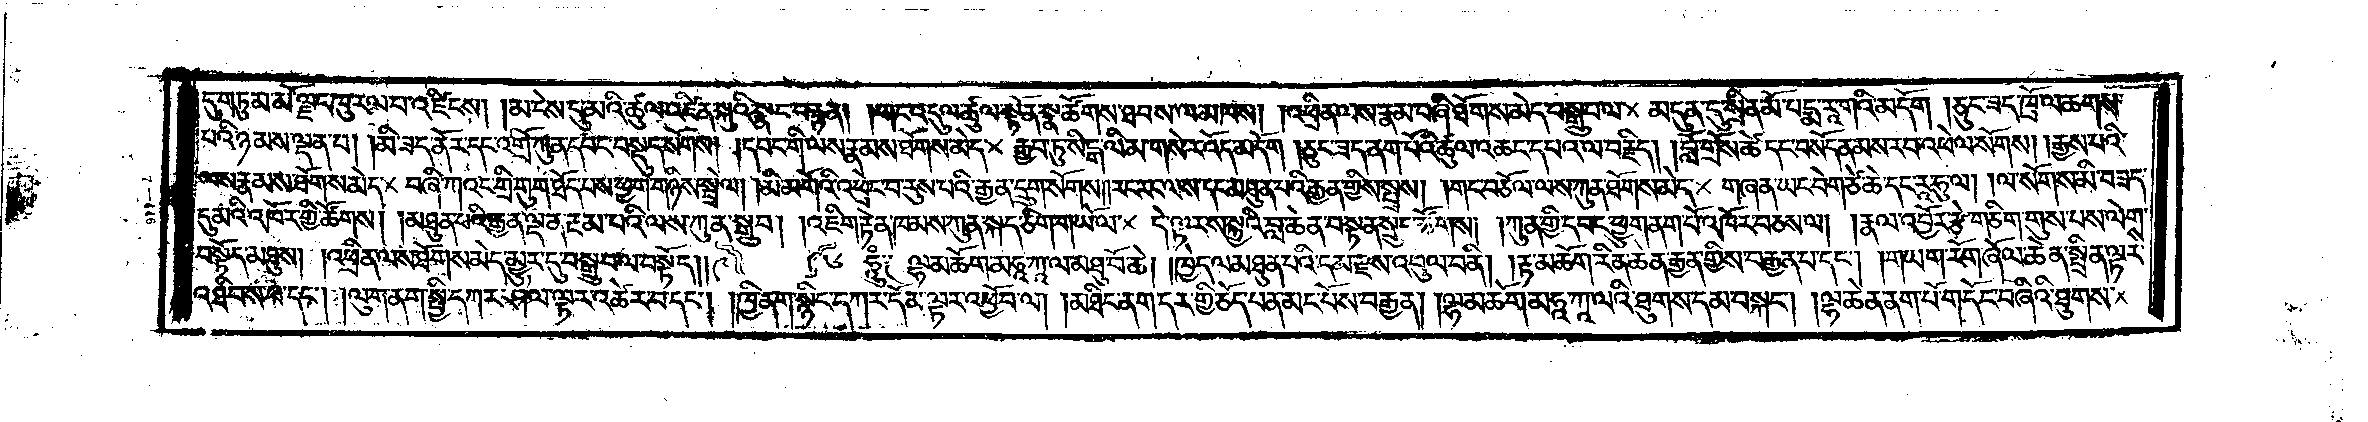དུ་གཏུམ་མོ་ལྗང་ཁུ་རལ་པ་འཛིངས། །མ་ངེས་དུ་མའི་ཚུལ་འཛིན་སྐུའི་སྣང་བརྙན། །གང་འདུལ་ཚུལ་སྟོན་སྣ་ཚོགས་ཐབས་ལ་མཁས། །འཕྲིན་ལས་རྣམ་བཞི་ཐོགས་མེད་བསྒྲུབ་ལ་྾་མདུན་དུ་སྲིན་མོ་པདམ་རཱ་གའི་མདོག །ཅུང་ཟད་ཁྲོ་ལ་ཆགས་
པའི་ཉམས་ལྡན་པ། །མི་ཟད་ནོར་དང་འགྲོ་ཀུན་དབང་བསྡུད་སོགས། །དབང་གི་ལས་རྣམས་ཐོགས་མེད་྾་རྒྱབ་ཏུ་སིངྒ་ལིམ་གསེར་འོད་མདོག །ཅུང་ཟད་ནག་པོའི་ཚུལ་འཆང་དཔའ་ལ་བརྗིད། །བློ་གྲོས་ཚེ་དང་བསོད་ནམས་ར་བ་འཕེལ་སོགས། །རྒྱས་པའི་
ལས་རྣམས་ཐོགས་མེད་྾་བཞི་ཀའང་གྲི་གུག་ཐོད་པས་ཕྱག་གཉིས་སྒྲེལ། །མི་མགོའི་འཕྲེང་བ་རུས་པའི་རྒྱན་དྲུག་སོགས། །རང་རང་ལས་དང་མཐུན་པའི་རྒྱན་གྱིས་སྤྲས། །གང་བཅོལ་ལས་ཀུན་ཐོགས་མེད་྾་གཞན་ཡང་བེག་ཙེ་ཆེ་དང་རཱ་ཧུ་ལ། །ལ་སོགས་མི་བཟད་
དུ་མའི་འཁོར་གྱི་ཚོགས། །མཐུན་པའི་རྒྱན་ལྡན་རྔམ་པའི་ལས་ཀུན་སྒྲུབ། །འཇིག་རྟེན་ཁམས་ཀུན་སྐད་ཅིག་གཡོལ་྾་དེ་ལྟར་ས་སྐྱའི་བླ་ཆེན་བསྟན་སྲུང་ཚོགས། །ཀུན་གྱི་དབང་ཕྱུག་ནག་པོ་འཁོར་བཅས་ལ། །རྣལ་འབྱོར་རྩེ་གཅིག་གུས་པས་ལེགས་
བསྟོད་མཐུས། །འཕྲིན་ལས་ཐོགས་མེད་མྱུར་དུ་བསྒྲུབ་ལ་བསྟོད།། ༩༼༽ ༼༽༦་ཧཱུཾ༑ ལྷ་མཆོག་མཧཱ་ཀཱ་ལ་མཐུ་བོ་ཆེ། །ཁྱེད་ལ་མཐུན་པའི་དམ་རྫས་འབུལ་བ་ནི། །རྟ་མཆོག་རིན་ཆེན་རྒྱན་གྱིས་བརྒྱན་པ་དང་། །གཡག་རོག་ཞོལ་ཆེན་སྤྲིན་ལྟར་
འཐིབས་པ་དང་། །ལུག་ནག་སྤྱི་དཀར་ཤེལ་ལྟར་འཚེར་བ་དང་། །ཁྱི་ནག་སྙིང་དཀར་དོམ་ལྟར་འཕྱོ་བ་ལ། །མཐིང་ནག་དར་གྱི་ཅོད་པན་མང་པོས་བརྒྱན། །ལྷ་མཆོག་མཧཱ་ཀཱ་ལའི་ཐུགས་དམ་བསྐང་། །ལྷ་ཆེན་ནག་པོ་གདོང་བཞིའི་ཐུགས་྾་